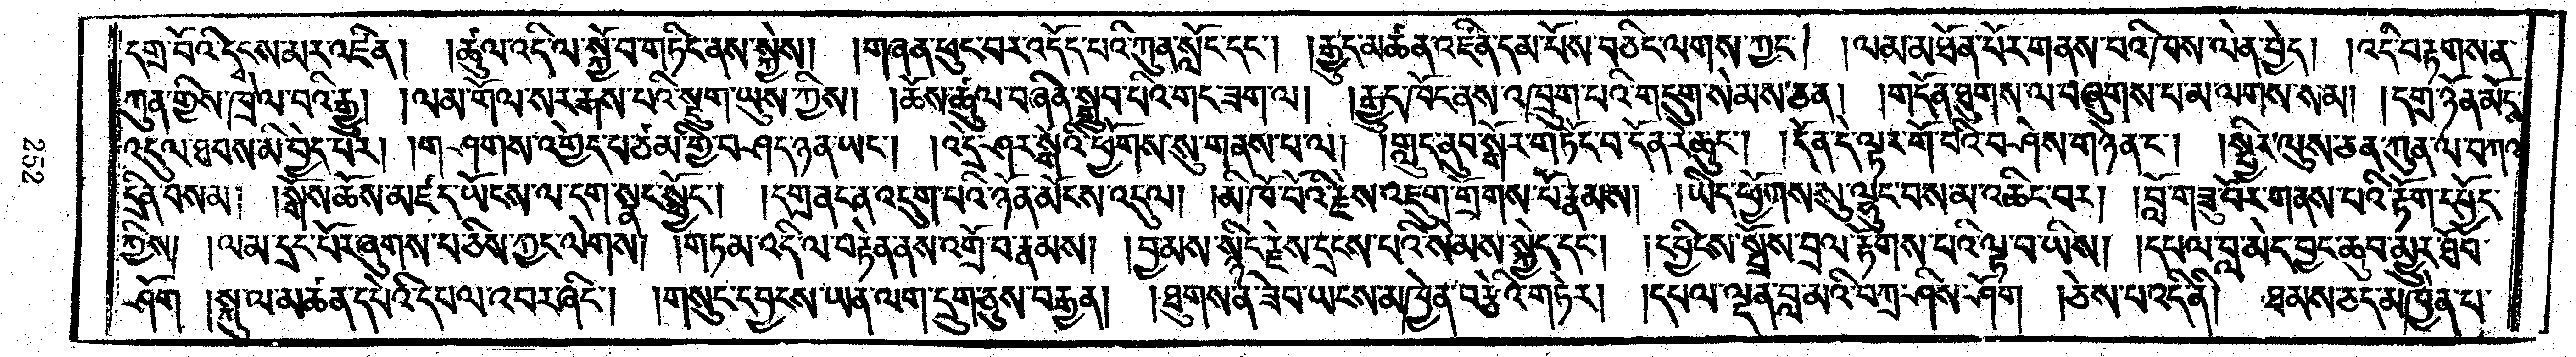དགྲ་བོའི་དྭངས་མར་འཛིན། །ཚུལ་འདི་ལ་སྐྱོ་བ་གཏིང་ནས་སྐྱེས། །གཞན་ཕུང་བར་འདོད་པའི་ཀུན་སློང་དང་། །རྒྱུད་མཚན་འཛིན་དམ་པོས་བཅིང་ལགས་ཀྱང་། །ལམ་མཐོན་པོར་གནས་པའི་ཁས་ལེན་བྱེད། །འདི་བརྟགས་ན་
ཀུན་གྱིས་ཁྲེལ་བའི་རྒྱུ། །ལམ་གོལ་སར་རྒས་པའི་སྡུག་ཡུས་ཀྱིས། །ཆོས་ཚུལ་བཞིན་སྒྲུབ་པའི་གང་ཟག་ལ། །རྒྱུད་ཁོང་ནས་འཁྲུག་པའི་གདུག་སེམས་ཅན། །གདོན་ཐུགས་ལ་བཞུགས་པ་མ་ལགས་སམ། །དགྲ་ཉོན་མོངས་
འདུལ་ཐབས་མི་བྱེད་པར། །གཤགས་འགྱེད་པ་ཙམ་གྱི་བཤད་ཉན་ཡང་། །འདྲེ་ཤར་སྒོའི་ཕྱོགས་སུ་གནས་པ་ལ། །གླུད་ནུབ་སྒོར་གཏོང་བ་དོན་རེ་ཆུང་། །དོན་དེ་ལྟར་གོ་བའི་བཤེས་གཉེན་དང་། །སྤྱིར་ལུས་ཅན་ཀུན་ལ་བཀའ་
དྲིན་བསམ། །སྒོས་ཆོས་མཛད་ཡོངས་ལ་དག་སྣང་སྦྱོང་། །དགྲན་ནང་ན་འདུག་པའི་ཉོན་མོངས་འདུལ། །མི་ཁོ་བོའི་རྗེས་འཇུག་གྲོགས་པོ་རྣམས། །ཡིད་ཕྱོགས་སུ་ལྷུང་བས་མ་འཆིང་བར། །བློ་གཟུ་བོར་གནས་པའི་རྟོག་དཔྱོད་
ཀྱིས། །ལམ་དྲང་པོར་ཞུགས་པ་ཅིས་ཀྱང་ལེགས། །གཏམ་འདི་ལ་བརྟེན་ནས་འགྲོ་བ་རྣམས། །བྱམས་སྙིང་རྗེས་དྲངས་པའི་སེམས་སྐྱེད་དང་། །དབྱིངས་སྦྲོས་བྲལ་རྟོགས་པའི་ལྟ་བ་ཡིས། །དཔལ་བླ་མེད་བྱང་ཆུབ་མྱུར་ཐོབ་
ཤོག །སྐུ་ལ་མཚན་དཔེའི་དཔལ་འབར་ཞིང་། །གསུང་དབྱངས་ཡན་ལག་དྲུག་ཅུས་བརྒྱན། །ཐུགས་ན་ཟེབ་ཡངས་མཁྱེན་བརྩེའི་གཏེར། །དཔལ་ལྡན་བླ་མའི་བཀྲ་ཤིས་ཤོག །ཅེས་པ་འདི་ནི། ཐམས་ཅད་མཁྱེན་པ་